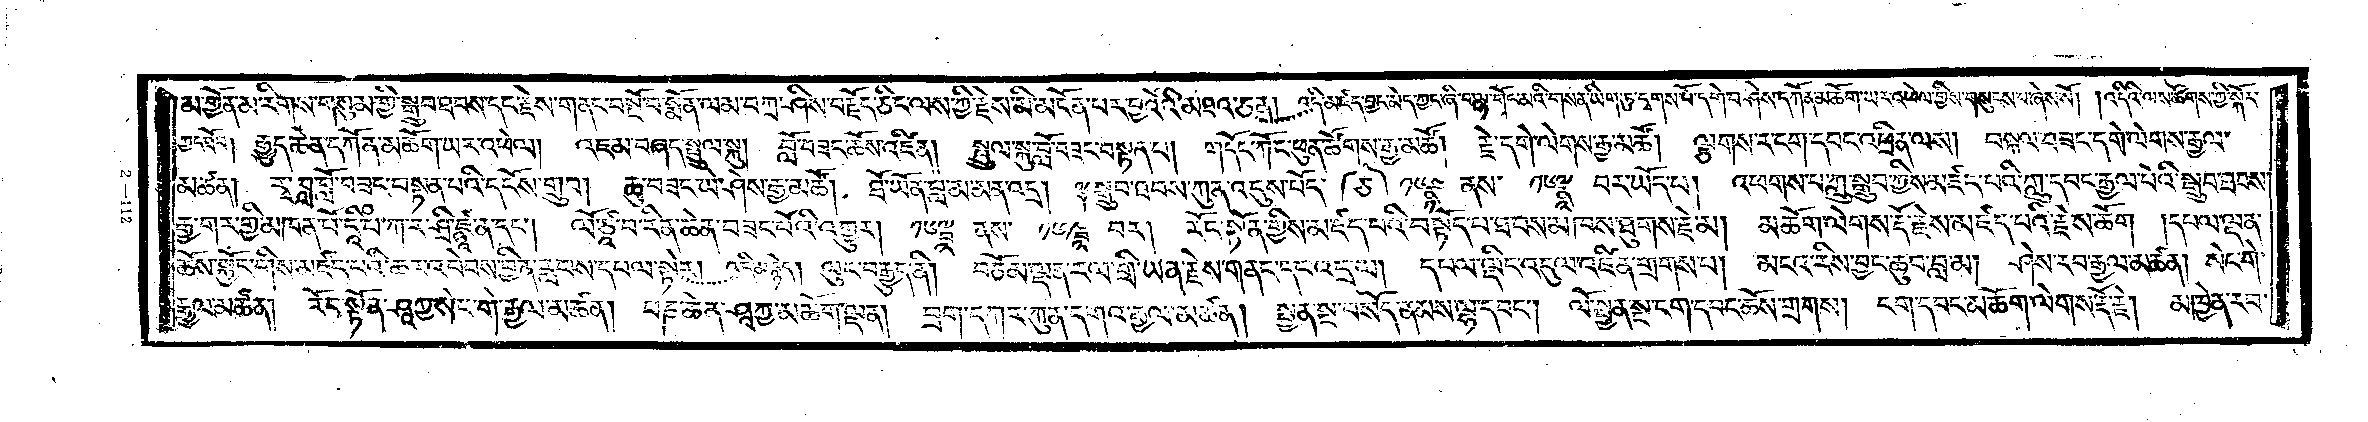མ་གྱོན་མ་རིགས་གསུམ་ཀྱི་སྒྲུབ་ཐབས་དང་རྗེས་གནང་བསྔོ་བ་སྨོན་ལམ་བཀྲ་ཤིས་བརྗོད་ཅིང་ལས་ཀྱི་རྗེས་མི་མངོན་པར་བྱའོའི་མཐའ་ཅན། འདི་མཛད་བྱང་མེད་ཀྱང་ཞི་བལྟ་གོང་མའི་གསན་ཡིག་ཏུ་དྭགས་པོ་དགེ་བཤེས་དཀོན་མཆོག་ཡར་འཕེལ་གྱིས་གསུངས་པ་ཞེས་སོ། །འདིའི་ལས་ཚོགས་ཀྱི་སྐོར་
ཀྱང་ཐོབ། རྒྱུད་ཆེན་དཀོན་མཆོག་ཡར་འཕེལ། འཇམ་བཞད་སྤྲུལ་སྐུ། བློ་བཟང་ཆོས་འཛིན། སྤྲུལ་སྐུ་བློ་བང་བསྟན་པ། གདོང་ཀོང་ཕུན་ཚོགས་རྒྱ་མཚོ། རྗེ་དགེ་ལེགས་རྒྱ་མཚོ། ལྕགས་ར་ངག་དབང་འཕྲིན་ལས། བསྐལ་བཟང་དགེ་ལེགས་རྒྱལ་
མཚན། རྭ་བླ་བློ་བཟང་བསྟན་པའི་དངོས་གྲུབ། ཆུ་བཟང་ཡེ་ཤེས་རྒྱ་མཚོ། ཐོ་ཡོན་བླ་མ་མན་འདྲ། ༈ སྒྲུབ་ཐབས་ཀུན་འདུས་པོད ༼ཅ༽ ༡༩༤ན༡་ནས ༡༦༧ན༢་བར་ཡོད་པ། འཕགས་པ་ཀླུ་སྒྲུབ་ཀྱིས་མཛད་པའི་ཀླུ་དབང་རྒྱལ་པོའི་སྒྲུབ་ཐབས་
རྒྱ་གར་གྱི་མཁན་པོ་དཱི་པཾ་ཀ་ར་ཤྲི་ཛྙཱ་ན་དང་། ལོ་ཙཱ་བ་རིན་ཆེན་བཟང་པོའི་འགྱུར། ༡༦༧བ༢་ནས ༡༦༩བ༢་བར། རོང་སྟོན་གྱིས་མཛད་པའི་བསྟོད་པ་ཐབས་མཁས་ཐུགས་རྗེ་མ། མཆོག་ལེགས་རྡོ་རྗེས་མཛད་པའི་རྗེས་ཆོག །དཔལ་ལྡན་
ཆོས་སྐྱོང་གིས་མཛད་པའི་ཆར་འབེབས་བྱིན་རླབས་དཔལ་སྟེར། འདི་མ་རྙེད།  ལུང་བརྒྱུད་ནི། བཅོམ་ལྡན་རལ་གྲི་ཡན་རྗེས་གནང་དང་འདྲ་ལ། དཔལ་ལྡིང་འདུལ་འཛིན་གྲགས་པ། མངའ་རིས་བྱང་ཆུབ་བླ་མ། ཤེས་རབ་རྒྱལ་མཚན། སེང་གེ་
རྒྱལ་མཚན། རོང་སྟོན་ཤཱཀྱ་སེང་གེ་རྒྱལ་མཚན། པཎ་ཆེན་ཤཱཀྱ་མཆོག་ལྡན། བྲག་དཀར་ཀུན་དགའ་རྒྱལ་མཚན། སྤྱན་སྔ་བསོད་ནམས་ལྷ་དབང་། ལོ་སྤྱན་སྔ་ངག་དབང་ཆོས་གྲགས། ངག་དབང་མཆོག་ལེགས་རྡོ་རྗེ། མཁྱེན་རབ་